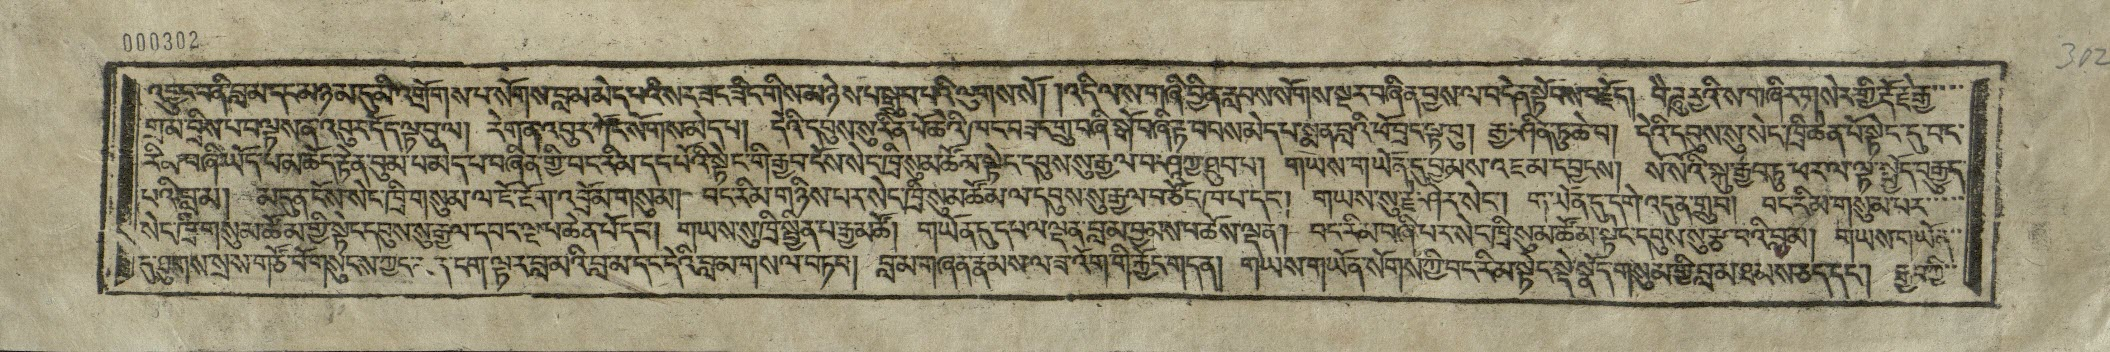འབྱུང་བ་ནི་བླ་མ་དང་མཉམ་དུ་མི་འགྲོགས་པ་སོགས་བླ་མ་མེད་པའི་སར་ཟང་ཟིང་གིས་མཉེས་པ་སྒྲུབ་པའི་ལུགས་སོ། །འདི་ལ་ས་གཞི་བྱིན་རླབས་སོགས་སྔར་བཞིན་བྱས་ལ་བདེན་སྟོབས་བརྗོད། བཻ་ཌཱུརྱའི་ས་གཞིར་གསེར་གྱི་རྡོ་རྗེ་རྒྱ་
གྲམ་བྲིས་པ་བལྟས་ན་འབུར་དོད་ལྟ་བུ་ལ། རེག་ན་འབུར་ཀོང་སོགས་མེད་པ། དེའི་དབུས་སུ་རིན་པོ་ཆེའི་ཁང་བཟང་གྲུ་བཞི་སྒོ་བཞི་རྟ་བབས་མེད་པ་སྨན་བླའི་ཕོ་བྲང་ལྟ་བུ། རྒྱ་ཤིན་ཏུ་ཆེ་བ། དེའི་དབུས་སུ་སེང་ཁྲི་ཆེན་པོ་སྟེང་དུ་བང་
རིམ་བཞི་ཡོད་པ་མཆོད་རྟེན་བུམ་པ་མེད་པ་བཞིན་གྱི་བང་རིམ་དང་པོའི་སྟེང་གི་རྒྱབ་ངོས་སེང་ཁྲི་སུམ་ཚོམ་སྟེང་དབུས་སུ་རྒྱལ་བ་ཤཱཀྱ་ཐུབ་པ། གཡས་གཡོན་དུ་བྱམས་འཇམ་དབྱངས། སོ་སོའི་སྐུ་རྒྱབ་ཏུ་ཕར་ལ་ལྟ་སྤྱོད་བརྒྱུད་
པའི་བླ་མ། མདུན་ངོས་སེང་ཁྲི་གསུམ་ལ་ཇོ་རྔོག་འབྲོམ་གསུམ། བང་རིམ་གཉིས་པར་སེང་ཁྲི་སུམ་ཚོམ་ལ་དབུས་སུ་རྒྱལ་བ་ཙོང་ཁ་པ་དང་། གཡས་སུ་རྗེ་ཤེར་སེང་། གཡོན་དུ་དགེ་འདུན་གྲུབ། བང་རིམ་གསུམ་པར་
སེང་ཁྲི་གསུམ་ཚོམ་གྱི་སྟེང་དབུས་སུ་རྒྱལ་དབང་ལྔ་པ་ཆེན་པོ་དང་། གཡས་སུ་ཁྲི་སྦྱིན་པ་རྒྱ་མཚོ། གཡོན་དུ་དཔལ་ལྡན་བླ་མ་བྱམས་པ་ཆོས་ལྡན། བང་རིམ་བཞི་པར་སེང་ཁྲི་སུམ་ཚོམ་སྟེང་དབུས་སུ་རྩ་བའི་བླ་མ། གཡས་གཡོན་
དུ་ཐུགས་སྲས་གཙོ་བོ་གསུངས་ཀྱང་མན་ངག་ལྟར་བླ་མའི་བླ་མ་དང་དེའི་བླ་མ་གསལ་བཏབ། བླ་མ་གཞན་རྣམས་ལ་ཟ་འོག་གི་རྐྱོང་གདན། གཡས་གཡོན་སོགས་ཀྱི་བང་རིམ་སྟེང་སྡེ་སྣོད་གསུམ་གྱི་བླ་མ་ཐམས་ཅད་དང་། རྒྱབ་ཀྱི་